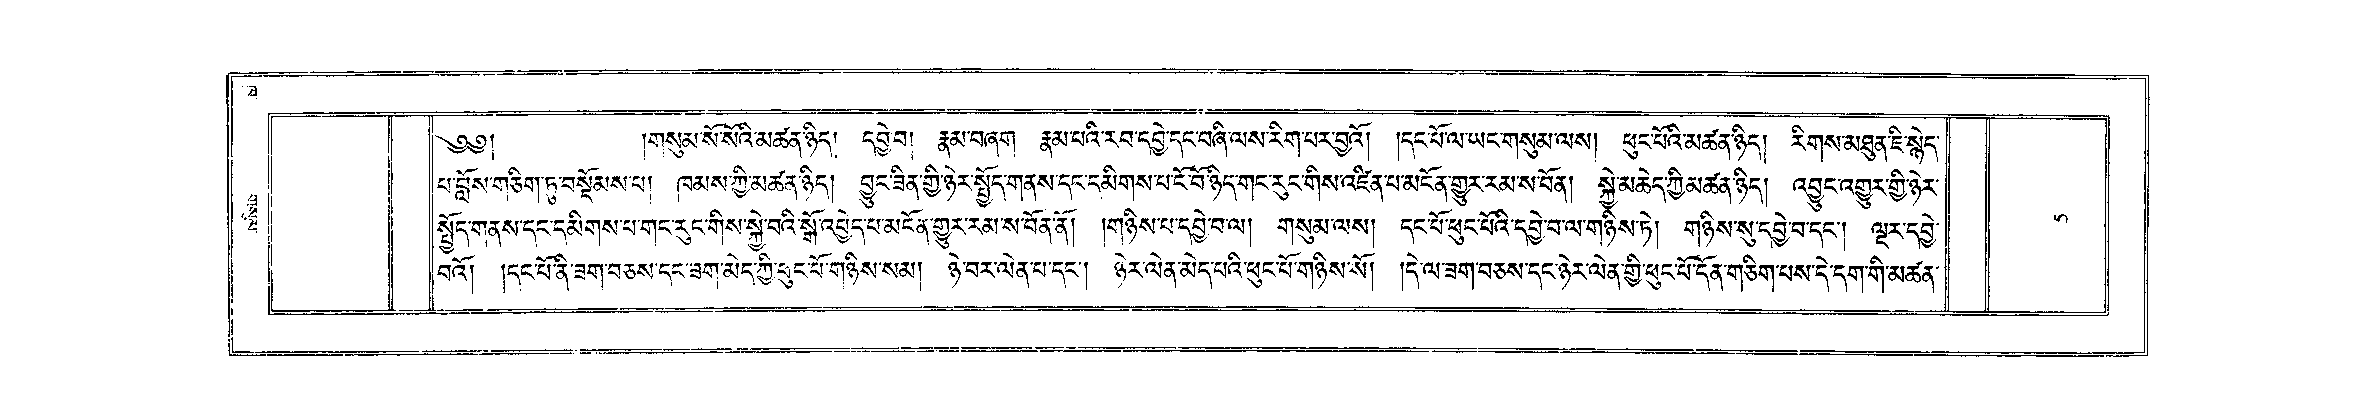༄༅། །གསུམ་སོ་སོའི་མཚན་ཉིད། དབྱེ་བ། རྣམ་བཞག་རྣམ་པའི་རབ་དབྱེ་དང་བཞི་ལས་རིག་པར་བྱའོ། །དང་པོ་ལ་ཡང་གསུམ་ལས། ཕུང་པོའི་མཚན་ཉིད། རིགས་མཐུན་ཇི་སྙེད་
པ་བློས་གཅིག་ཏུ་བསྡོམས་པ། ཁམས་ཀྱི་མཚན་ཉིད། བྱུང་ཟིན་གྱི་ཉེར་སྤྱོད་གནས་དང་དམིགས་པ་ངོ་བོ་ཉིད་གང་རུང་གིས་འཛིན་པ་མངོན་གྱུར་རམ་ས་བོན། སྐྱེ་མཆེད་ཀྱི་མཚན་ཉིད། འབྱུང་འགྱུར་གྱི་ཉེར་
སྤྱོད་གནས་དང་དམིགས་པ་གང་རུང་གིས་སྐྱེ་བའི་སྒོ་འབྱེད་པ་མངོན་གྱུར་རམ་ས་བོན་ནོ། །གཉིས་པ་དབྱེ་བ་ལ། གསུམ་ལས། དང་པོ་ཕུང་པོའི་དབྱེ་བ་ལ་གཉིས་ཏེ། གཉིས་སུ་དབྱེ་བ་དང་། ལྔར་དབྱེ་
བའོ། །དང་པོ་ནི་ཟག་བཅས་དང་ཟག་མེད་ཀྱི་ཕུང་པོ་གཉིས་སམ། ཉེ་བར་ལེན་པ་དང་། ཉེར་ལེན་མེད་པའི་ཕུང་པོ་གཉིས་སོ། །དེ་ལ་ཟག་བཅས་དང་ཉེར་ལེན་གྱི་ཕུང་པོ་དོན་གཅིག་པས་དེ་དག་གི་མཚན་